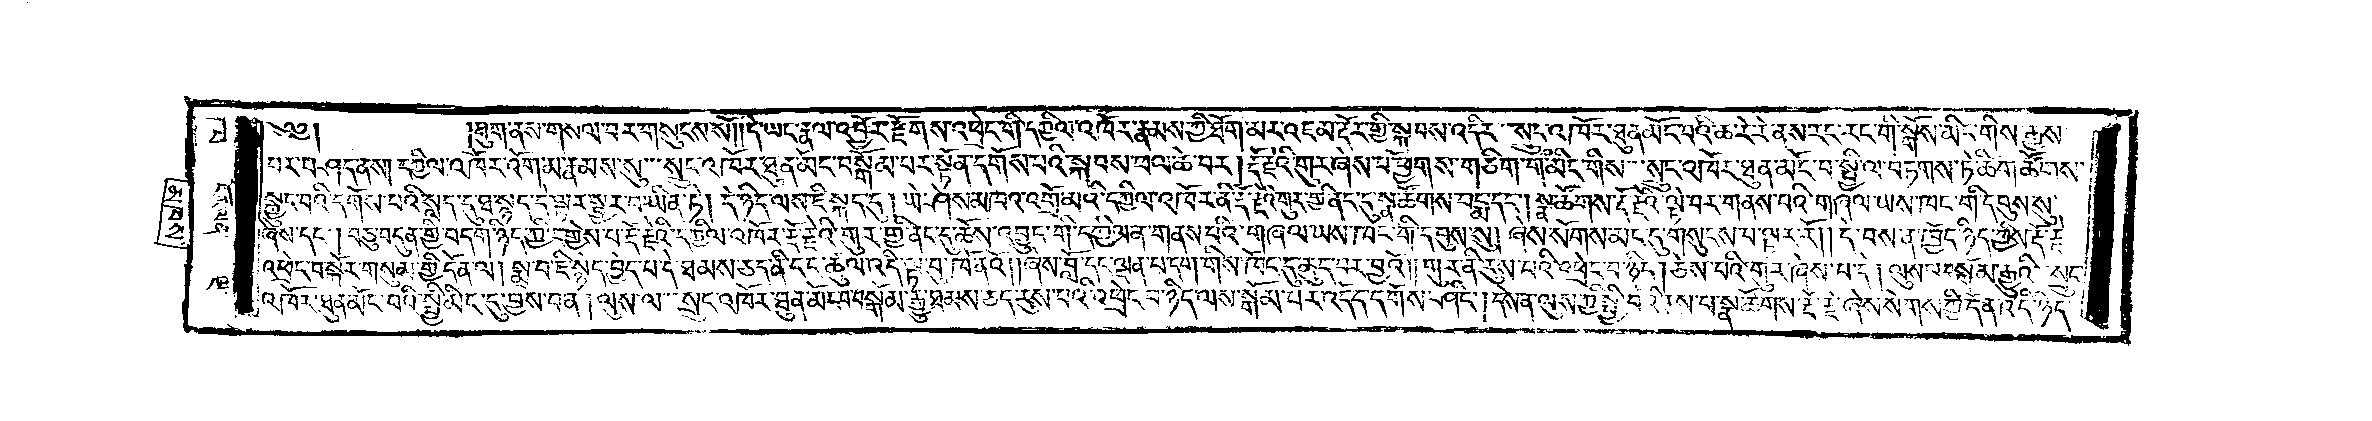༄༅། །ཐུག་ནས་གསལ་བར་གསུངས་སོ། །དེ་ཡང་རྣལ་འབྱོར་རྫོགས་འཕྲེང་གི་དཀྱིལ་འཁོར་རྣམས་ཀྱི་ཐོག་མར་འཇམ་རྡོར་གྱི་སྐབས་འདིར་སྲུང་འཁོར་ཐུན་མོང་བའི་ཆ་རེ་རེ་ནས་རང་རང་གི་སྒོས་མིང་གིས་རྒྱས་
པར་བཤད་ནས། དཀྱིལ་འཁོར་འོག་མ་རྣམས་སུ་སྲུང་འཁོར་ཐུན་མོང་བསྒོམ་པར་སྟོན་དགོས་པའི་སྐབས་ཕལ་ཆེ་བར། རྡོ་རྗེའི་གུར་ཞེས་པ་ཕྱོགས་གཅིག་གི་མིང་གིས་སྲུང་འཁོར་ཐུན་མོང་བ་སྤྱི་ལ་བཏགས་ཏེ་ཚིག་ཚོགས་
སྐྱུང་བའི་དགོས་པའི་སླད་དུ་ཐ་སྙད་དེ་ལྟར་སྦྱར་བ་ཡིན་ཏེ། དེ་ཉིད་ལས་ཇི་སྐད་དུ། ཡེ་ཤེས་མཁའ་འགྲོ་མའི་དཀྱིལ་འཁོར་ནི་རྡོ་རྗེའི་གུར་གྱི་ནང་དུ་སྣ་ཚོགས་པདྨ་དང་། སྣ་ཚོགས་རྡོ་རྗེའི་ལྟེ་བར་གནས་པའི་གཞལ་ཡས་ཁང་གི་དབུས་སུ།
ཞེས་དང་། བཅུ་བདུན་གྱི་བདག་ཉིད་ཀྱི་དགྱེས་པ་རྡོ་རྗེའི་དཀྱིལ་འཁོར་རྡོ་རྗེའི་གུར་གྱི་ནང་དུ་ཆོས་འབྱུང་གི་དཀྱིལ་ན་གནས་པའི་གཞལ་ཡས་ཁང་གི་དབུས་སུ། ཞེས་སོགས་མང་དུ་གསུངས་པ་ལྟར་རོ། །དེ་བས་ན་ཁྱོད་ཉིད་ཀྱིས་རྡོ་རྗེ་
འཕྲེང་བསྐོར་གསུམ་གྱི་དོན་ལ། སྨྲ་བ་ཇི་སྙེད་བྱེད་པ་དེ་ཐམས་ཅད་ནི་ངང་ཚུལ་འདི་ལྟ་བུ་ཁོ་ནའོ། །ཞེས་བློ་དང་ལྡན་པ་དག་གིས་ཁོང་དུ་ཆུད་པར་བྱའོ། །གུར་ནི་རུས་པའི་འཕྲེང་བ་ཉིད། ཅེས་པའི་གུར་ཞེས་པ་དེ། ལུས་ལ་སྒོམ་རྒྱུའི་སྲུང་
འཁོར་ཐུན་མོང་བའི་སྤྱི་མིང་དུ་བྱས་པ་ན། ལུས་ལ་སྲུང་འཁོར་ཐུན་མོང་བ་བསྒོམ་རྒྱུ་ཐམས་ཅད་རུས་པའི་འཕྲེང་བ་ཉིད་ལས་སྒོམ་པར་འདོད་དགོས་ཤིང་། དེས་ན་ལུས་ཀྱི་སྤྱི་བོའི་རུས་པ་སྣ་ཚོགས་རྡོ་རྗེ་ཞེས་སོགས་ཀྱི་དོན་འདི་ཉིད་